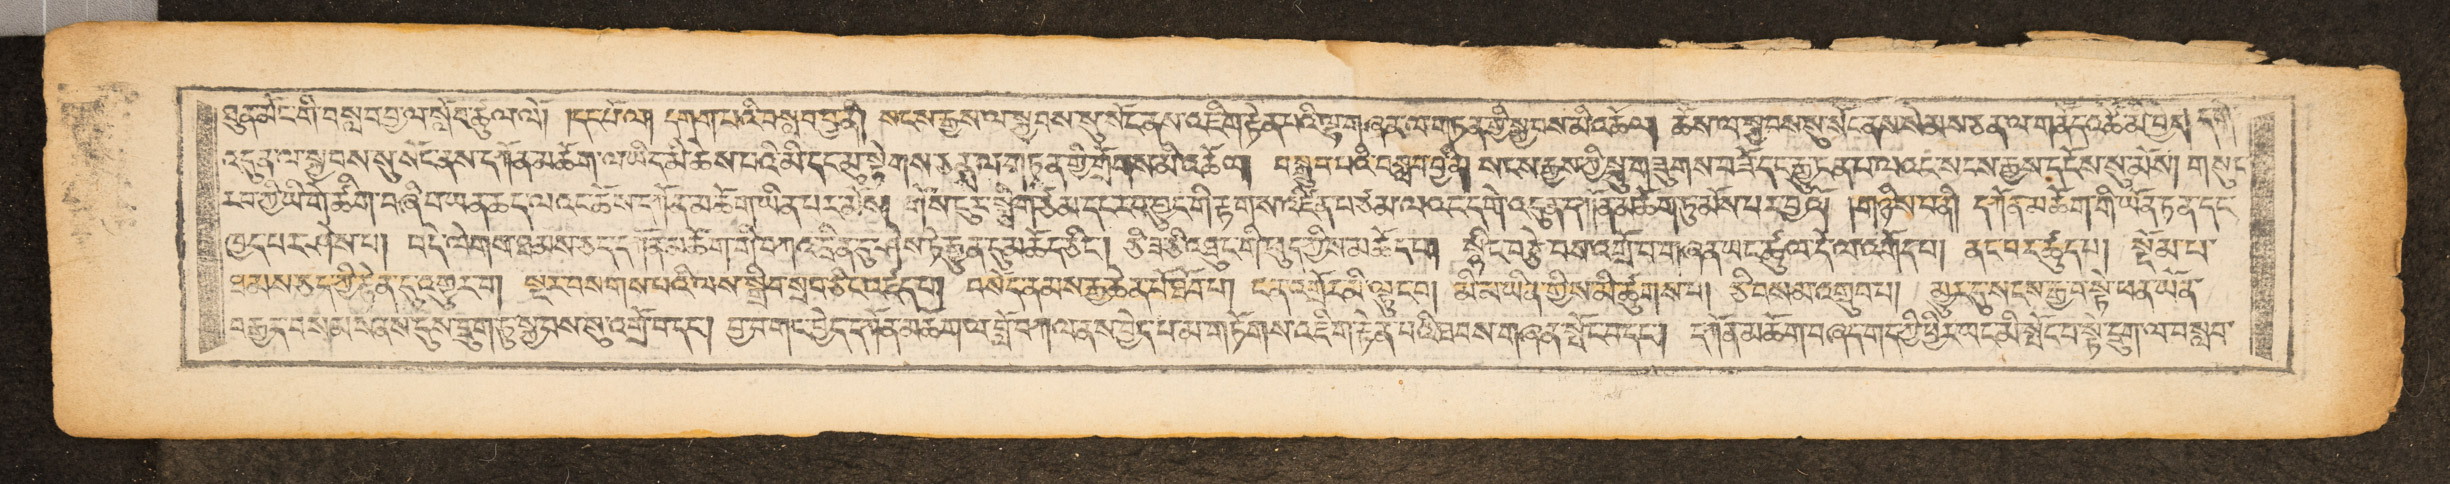ཐུན་མོང་གི་བསླབ་བྱ་ལ་སློབ་ཚུལ་ལོ། །དང་པོ་ལ། དགག་པའི་བསླབ་བྱ་ནི། སངས་རྒྱས་ལ་སྐྱབས་སུ་སོང་ནས་འཇིག་རྟེན་པའི་ལྷ་གཞན་ལ་གཏན་གྱི་སྐྱབས་མི་འཆོལ། ཆོས་ལ་སྐྱབས་སུ་སོང་ནས་སེམས་ཅན་ལ་གནོད་འཚེ་མི་བྱེད། དགེ་
འདུན་ལ་སྐྱབས་སུ་སོང་ནས་དཀོན་མཆོག་ལ་ཡིད་མི་ཆེས་པའི་མི་དང་མུ་སྟེགས་ཅན་ལ་གཏན་གྱི་གྲོགས་མི་འཆོལ། བསྒྲུབ་པའི་བསླབ་བྱ་ནི། སངས་རྒྱས་ཀྱི་སྐུ་གཟུགས་བཟོ་དང་རྒྱུ་ངན་པ་ལའང་སངས་རྒྱས་དངོས་སུ་མོས། གསུང་
རབ་ཀྱི་ཡི་གེ་ཚིག་བཞི་པ་ཡན་ཆད་ལའང་ཆོས་དཀོན་མཆོག་ཡིན་པར་མོས། གོས་ངུར་སྨྲིག་ཙམ་དང་རབ་བྱུང་གི་རྟགས་འཛིན་པ་ཙམ་ལའང་དགེ་འདུན་དཀོན་མཆོག་ཏུ་མོས་པར་བྱའོ། །གཉིས་པ་ནི། དཀོན་མཆོག་གི་ཡོན་ཏན་དང་
ཁྱད་པར་ཤེས་པ། བདེ་ལེགས་ཐམས་ཅད་དཀོན་མཆོག་གི་བཀའ་དྲིན་དུ་ཤེས་ཏེ་རྒྱུན་དུ་མཆོད་ཅིང་། ཅི་ཟ་ཅི་འཐུང་གི་ཕུད་ཀྱིས་མཆོད་པ། སྙིང་བརྩེ་བས་འགྲོ་བ་གཞན་ཡང་ཚུལ་དེ་ལ་འགོད་པ། ནང་པར་ཚུད་པ། སྡོམ་པ་
ཐམས་ཅད་ཀྱི་རྟེན་དུ་འགྱུར་བ། སྔར་བསགས་པའི་ལས་སྒྲིབ་སྲབ་ཅིང་འཛད་པ། བསོད་ནམས་རྒྱ་ཆེན་པོ་ཐོབ་པ། ངན་འགྲོར་མི་ལྟུང་བ། མི་མ་ཡིན་གྱིས་མི་ཚུགས་པ། ཅི་བསམ་འགྲུབ་པ། མྱུར་དུ་སངས་རྒྱས་བ་སྟེ་ཕན་ཡོན་
བརྒྱད་བསམས་ནས་དུས་དྲུག་ཏུ་སྐྱབས་སུ་འགྲོ་བ་དང་། བྱ་བ་གང་བྱེད་དཀོན་མཆོག་ལ་བློ་བཀལ་ནས་བྱེད་པ་མ་གཏོགས་འཇིག་རྟེན་པའི་ཐབས་གཞན་སྤོང་བ་དང་། དཀོན་མཆོག་བཞད་གད་ཀྱི་ཕྱིར་ཡང་མི་སྤོང་བ་སྟེ་དྲུག་ལ་བསླབ་